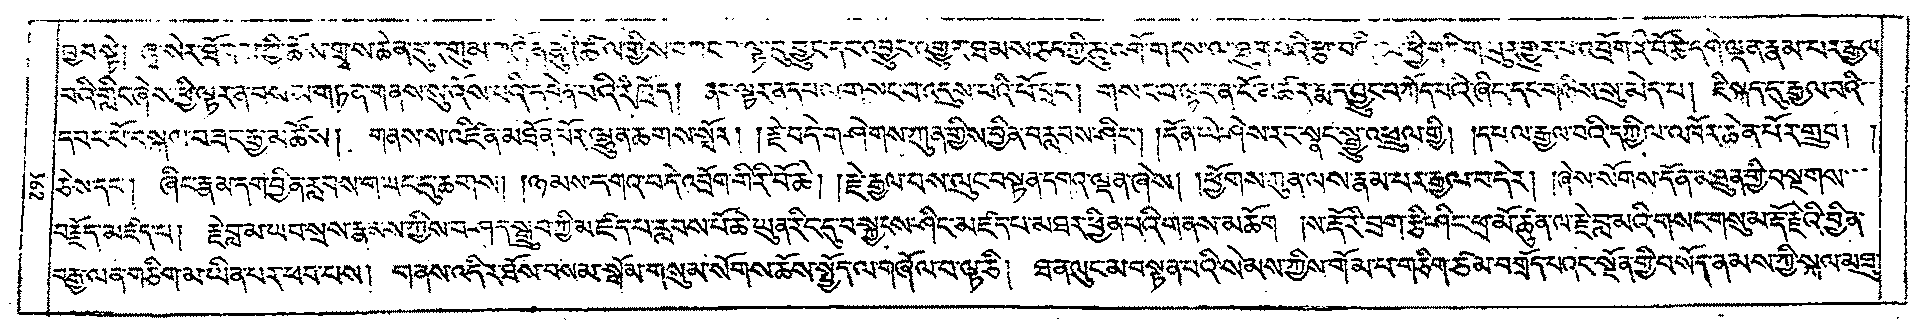ཁྱབ་སྟེ། ཞྭ་སེར་ཐོགས་ཀྱི་ཆོས་གྲྭ་ས་ཆེན་གུར་གུམ་གཞོན་ནུའི་ཚལ་གྱིས་བཀང་བ་ལྟ་བུ་བྱུང་དང་འབྱུང་འགྱུར་ཐམས་ཅད་ཀྱི་ཆུ་འགོ་གངས་ལ་ཐུག་པའི་རྩ་བའི་མ་ཕྱི་གཅིག་པུར་གྱུར་པ་འབྲོག་རི་བོ་ཆེ་དགེ་ལྡན་རྣམ་པར་རྒྱལ་
བའི་གླིང་ཞེས་ཕྱི་ལྟར་ན་བསམ་གཏན་གནས་སུ་འོས་པའི་དབེན་པའི་རི་ཁྲོད། ནང་ལྟར་ན་དཔལ་གསང་བ་འདུས་པའི་ཕོ་བྲང་། གསང་བ་ལྟར་ན་ངོ་མཚར་རྨད་བྱུང་བཀོད་པའི་ཞིང་དང་གཉིས་སུ་མེད་པ། ཇི་སྐད་དུ་རྒྱལ་བའི་
དབང་པོ་བསྐལ་བཟང་རྒྱ་མཚོས། གནས་ས་འཛིན་མཐོན་པོར་ལྷུན་ཆགས་སྤོར། །རྗེ་བདེ་གཤེགས་ཀུན་གྱིས་བྱིན་བརླབས་ཤིང་། །དོན་ཡེ་ཤེས་རང་སྣང་སྒྱུ་འཕྲུལ་གྱི། །དཔལ་རྒྱལ་བའི་དཀྱིལ་འཁོར་ཆེན་པོར་གྲུབ། །
ཅེས་དང་། ཞིང་རྣམ་དག་བྱིན་རླབས་གཡང་དུ་ཆགས། །ཉམས་དགའ་བདེ་འབྲོག་གི་རི་བོ་ཆེ། །རྗེ་རྒྱལ་བས་ལུང་བསྟན་དགའ་ལྡན་ཞེས། །ཕྱོགས་ཀུན་ལས་རྣམ་པར་རྒྱལ་བ་དེར། །ཞེས་སོགས་དོན་མཐུན་གྱི་བསྔགས་
བརྗོད་མཛད་པ། རྗེ་བླ་མ་ཡབ་སྲས་རྣམས་ཀྱིས་བཤད་སྒྲུབ་ཀྱི་མཛད་པ་རླབས་པོ་ཆེ་ཡུན་རིང་དུ་བསྐྱངས་ཤིང་མཛད་པ་མཐར་ཕྱིན་པའི་གནས་མཆོག །ས་རྡོ་རི་བྲག་རྩི་ཤིང་ཕྲ་མོ་ཚུན་ལ་རྗེ་བླ་མའི་གསང་གསུམ་རྡོ་རྗེའི་བྱིན་
བརྒྱ་ལན་གཅིག་མ་ཡིན་པར་ཕབ་པས། གནས་འདིར་ཐོས་བསམ་སྒོམ་གསུམ་སོགས་ཆོས་སྤྱོད་ལ་གཞོལ་བ་ལྟ་ཅི། ཐ་ན་ལུང་མ་བསྟན་པའི་སེམས་ཀྱིས་གོམ་པ་གཅིག་ཙམ་བགྲོད་པའང་སྔོན་གྱི་བསོད་ནམས་ཀྱི་སྐལ་མཐུ་